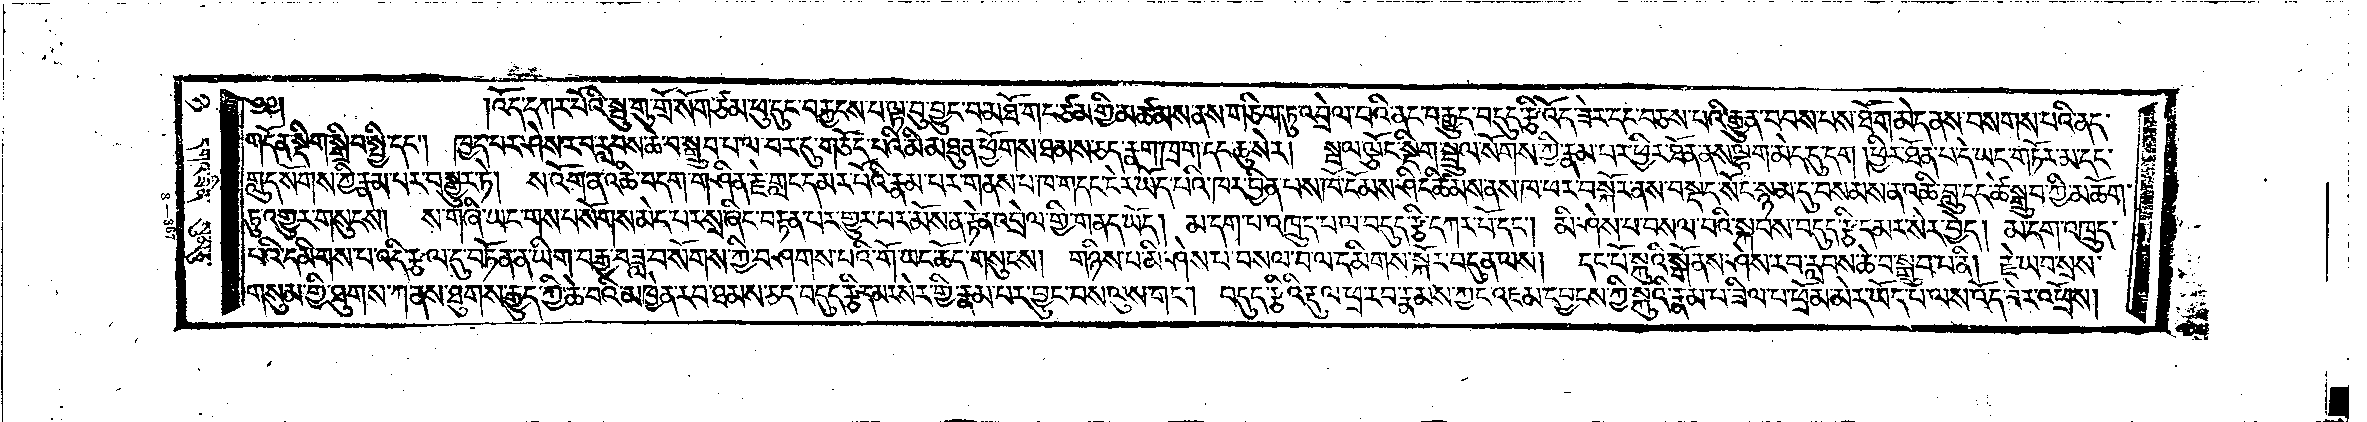༄༅། །འོད་དཀར་པོའི་སྤུ་གུ་གྲོ་སོག་ཙམ་ཕུ་དུང་བརྐྱངས་པ་ལྟ་བུ་བྱུང་བ་མཐོ་གང་ཙམ་གྱི་མཚམས་ནས་གཅིག་ཏུ་འབྲེལ་བའི་ནང་བརྒྱུད་བདུད་རྩི་འོད་ཟེར་དང་བཅས་པའི་རྒྱུན་བབས་པས་ཐོག་མེད་ནས་བསགས་པའི་ནད་
གདོན་སྡིག་སྒྲིབ་སྤྱི་དང་། ཁྱད་པར་ཤེས་རབ་རླབས་ཆེ་བ་སྒྲུབ་པ་ལ་བར་དུ་གཅོད་པའི་མི་མཐུན་ཕྱོགས་ཐམས་ཅད་རྣག་ཁྲག་དང་ཆུ་སེར། སྦལ་ལྕོང་སྡིག་སྦྲུལ་སོགས་ཀྱི་རྣམ་པར་ཕྱིར་ཐོན་ནས་ལྷག་མེད་དུ་དག །ཕྱིར་ཐོན་པ་དེ་ཡང་གཏོར་མ་དང་
གླུད་སོགས་ཀྱི་རྣམ་པར་བསྒྱུར་ཏེ། ས་འོ་རིམ་པ་བདུན་གྱི་འོག་ན་འཆེ་བདག་གཤིན་རྗེ་གླང་དམར་པོའི་རྣམ་པར་གནས་པ་ཁ་གདང་དེར་ཡོད་པའི་ཁར་བྱིན་པས་ཁོ་ངོམས་ཤིང་ཚིམས་ནས་ཁ་ཕར་བསྐོར་ནས་བསྡད་སོང་སྙམ་དུ་བསམས་ན་འཆི་བླུ་དང་ཚེ་སྒྲུབ་ཀྱི་མཆོག་
ཏུ་འགྱུར་གསུངས། ས་གཞི་ཡང་གས་པ་སོགས་མེད་པར་སྲ་ཞིང་བརྟན་པར་གྱུར་པར་མོས་ན་རྟེན་འབྲེལ་གྱི་གནད་ཡོད། མ་དག་པ་འཁྲུད་པ་ལ་བདུད་རྩི་དཀར་པོ་དང་། མི་ཤེས་པ་བསལ་བའི་སྐབས་བདུད་རྩི་དམར་སེར་བྱེད། མ་དག་འཁྲུད་
པའི་དམིགས་པ་འདི་རྩལ་དུ་བཏོན་ན་ཡིག་བརྒྱ་བཟླ་བ་སོགས་ཀྱི་བཤགས་པའི་གོ་ཡང་ཆོད་གསུངས། གཉིས་པ་མི་ཤེས་པ་བསལ་བ་ལ་དམིགས་སྐོར་བདུན་ལས། དང་པོ་སྐུའི་སྒོ་ནས་ཤེས་རབ་རླབས་ཆེ་བ་སྒྲུབ་པ་ནི། རྗེ་ཡབ་སྲས་
གསུམ་གྱི་ཐུགས་ཀ་ནས་ཐུགས་རྒྱུད་ཀྱི་ཆེ་བའི་མཁྱེན་རབ་ཐམས་ཅད་བདུད་རྩི་དམར་སེར་གྱི་རྣམ་པར་བྱུང་བས་ལུས་གང་། བདུད་རྩིའི་རྡུལ་ཕྲ་རབ་རྣམས་ཀྱང་འཇམ་དབྱངས་ཀྱི་སྐུའི་རྣམ་པ་ཟིལ་པ་ཕྲོ་མ་མེར་ཡོད་པ་ལས་འོད་ཟེར་འཕྲོས།